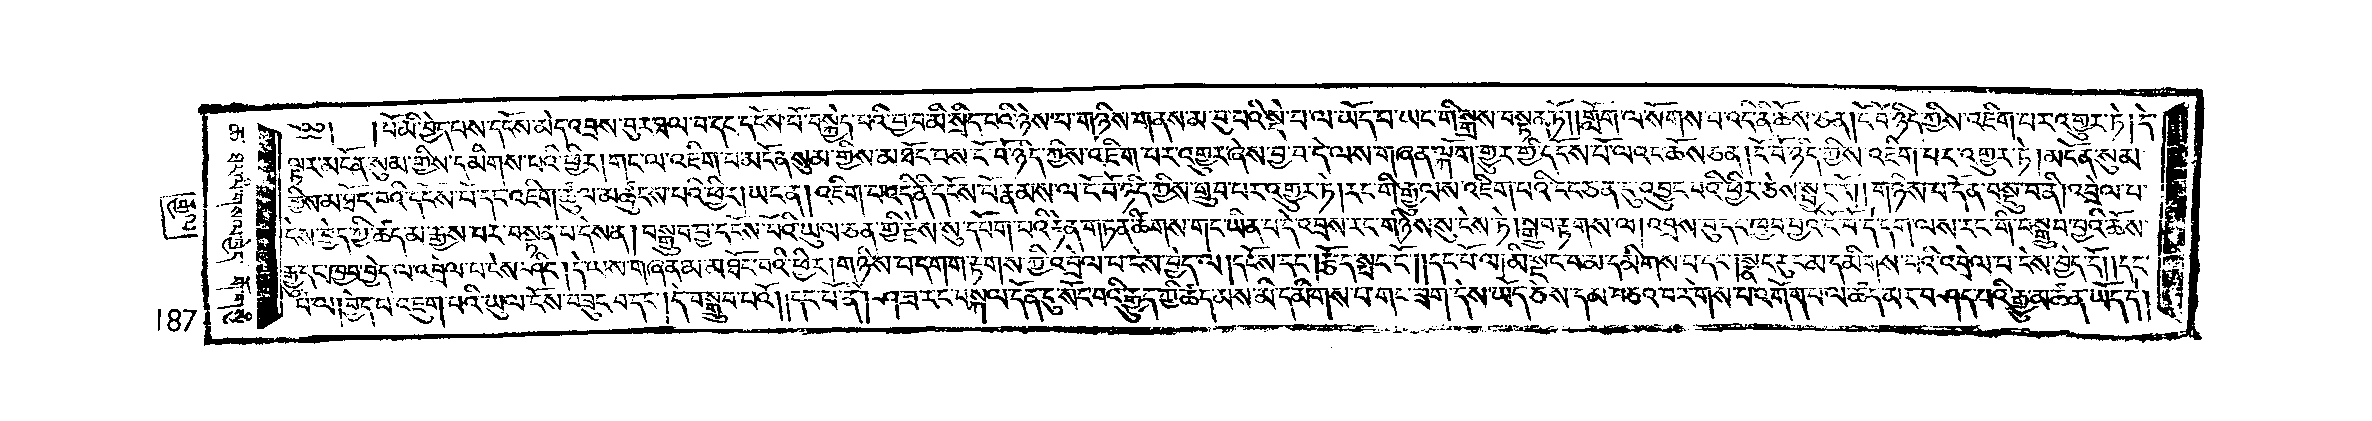༄༅། །པོ་མི་བྱེད་པས་དངོས་མེད་འབྲས་བུར་ཐལ་བ་དང་དངོས་པོ་བསྐྱེད་པའི་བྱ་བ་མི་སྲིད་པའི་ཉེས་པ་གཉིས་གནས་མ་བུ་པའི་སྡེ་པ་ལ་ཡོད་པ་ཡང་གི་སྒྲས་བསྟན་ཏོ། །གློག་ལ་སོགས་པ་འདི་ནི་ཆོས་ཅན། ངོ་བོ་ཉིད་ཀྱིས་འཇིག་པར་འགྱུར་ཏེ། དེ་
ལྟར་མངོན་སུམ་གྱིས་དམིགས་པའི་ཕྱིར། གང་ལ་འཇིག་པ་མངོན་སུམ་གྱིས་མཐོང་བས་ངོ་བོ་ཉིད་ཀྱིས་འཇིག་པར་འགྱུར་ཞེས་བྱ་བ་དེ་ལས་གཞན་ལྐོག་གྱུར་གྱི་དངོས་པོ་ལའང་ཆོས་ཅན། ངོ་བོ་ཉིད་ཀྱིས་འཇིག་པར་འགྱུར་ཏེ། མངོན་སུམ་
གྱིས་མཐོང་བའི་དངོས་པོ་དང་འཇིག་ཚུལ་མཚུངས་པའི་ཕྱིར། ཡང་ན། འཇིག་པ་འདི་ནི་དངོས་པོ་རྣམས་ལ་ངོ་བོ་ཉིད་ཀྱིས་གྲུབ་པར་འགྱུར་ཏེ། རང་གི་རྒྱུ་ལས་འཇིག་པའི་དང་ཅན་དུ་འབྱུང་བའི་ཕྱིར་ཅེས་སྦྱར་རོ། །གཉིས་པ་དོན་བསྡུ་བ་ནི། འབྲེལ་པ་
ངེས་བྱེད་ཀྱི་ཚད་མ་རྒྱས་པར་བསྟན་པ་དེས་ན། བསྒྲུབ་བྱ་དངོས་པོའི་ཡུལ་ཅན་གྱི་རྗེས་སུ་དཔོག་པའི་རྟེན་གཏན་ཚིགས་གང་ཡིན་པ་དེ་འབྲས་རང་གཉིས་སུ་ངེས་ཏེ། སྒྲུབ་རྟགས་ལ། འབྲས་བུ་དང་ཁྱབ་བྱའི་ངོ་བོ་དེ་དག་ལས་རང་གི་བསྒྲུབ་བྱའི་ཆོས་
རྒྱུ་དང་ཁྱབ་བྱེད་ལ་འབྲེལ་པ་ངེས་ཤིང་། དེ་ལས་གཞན་མ་མཐོང་བའི་ཕྱིར། གཉིས་པ་དགག་རྟགས་ཀྱི་འབྲེལ་པ་ངེས་བྱེད་ལ། དངོས་དང་། རྩོད་སྤང་ངོ། །དང་པོ་ལ། མི་སྡང་བ་མ་དམིགས་པ་དང་། སྣང་རུང་མ་དམིགས་པའི་འབྲེལ་པ་ངེས་བྱེད་དོ། །དང་
པོ་ལ། བྱེད་པ་འཇུག་པའི་ཡུལ་ངོས་བཟུང་བ་དང་། དེ་བསྒྲུབ་པའོ། །དང་པོ་ནི། ཤ་ཟ་རང་བསྐལ་དོན་དུ་སོང་བའི་རྒྱུད་ཀྱི་ཚད་མས་མི་དམིགས་པ་གང་ཟག་དེས་ཡེད་ཅེས་དམ་བཅའ་བ་རིགས་པ་འགོག་པ་ལ་ཚད་མར་བཤད་པའི་རྒྱུ་མཚན་ཡོད་དེ།